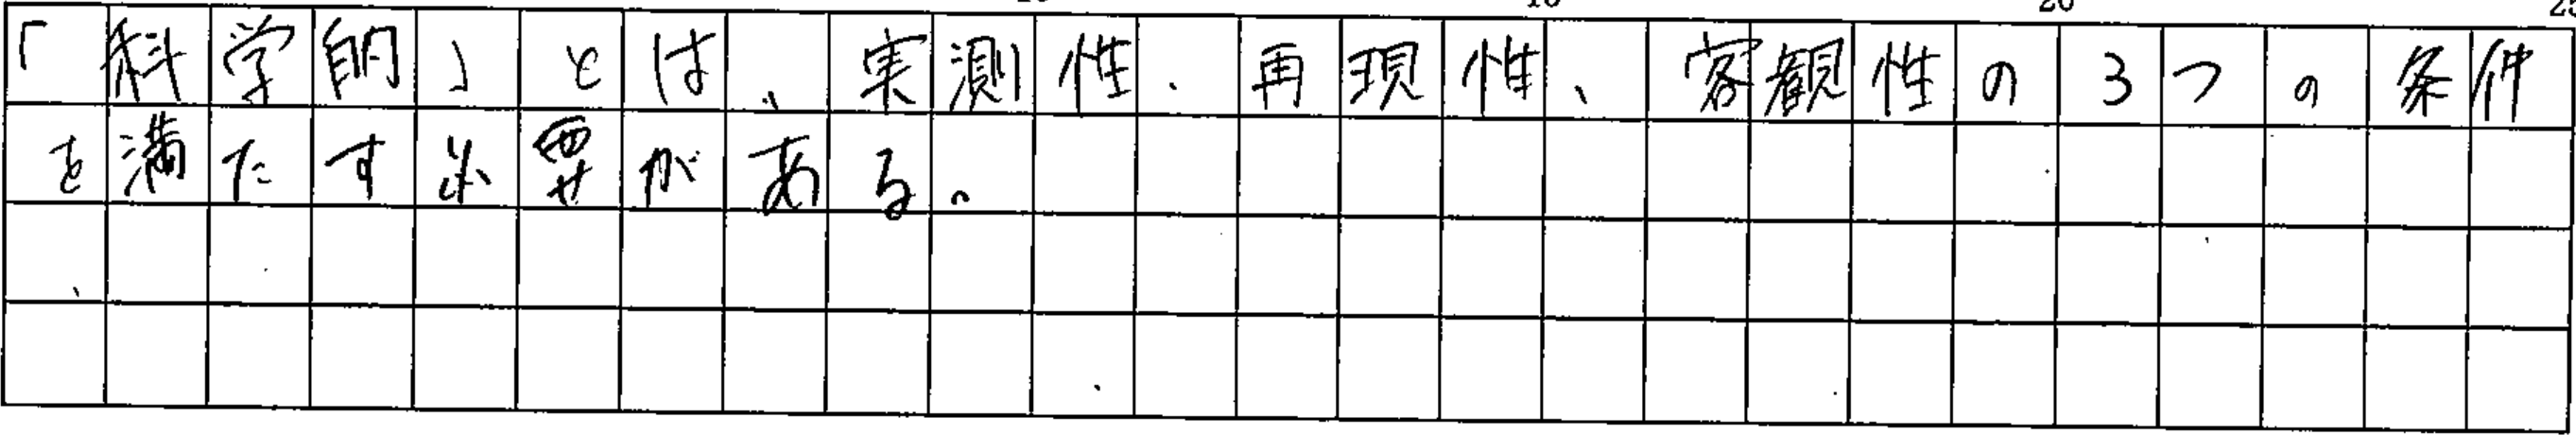「科学的」とは、実測性、再現性、客観性の３つの条件を満たす必要がある。
